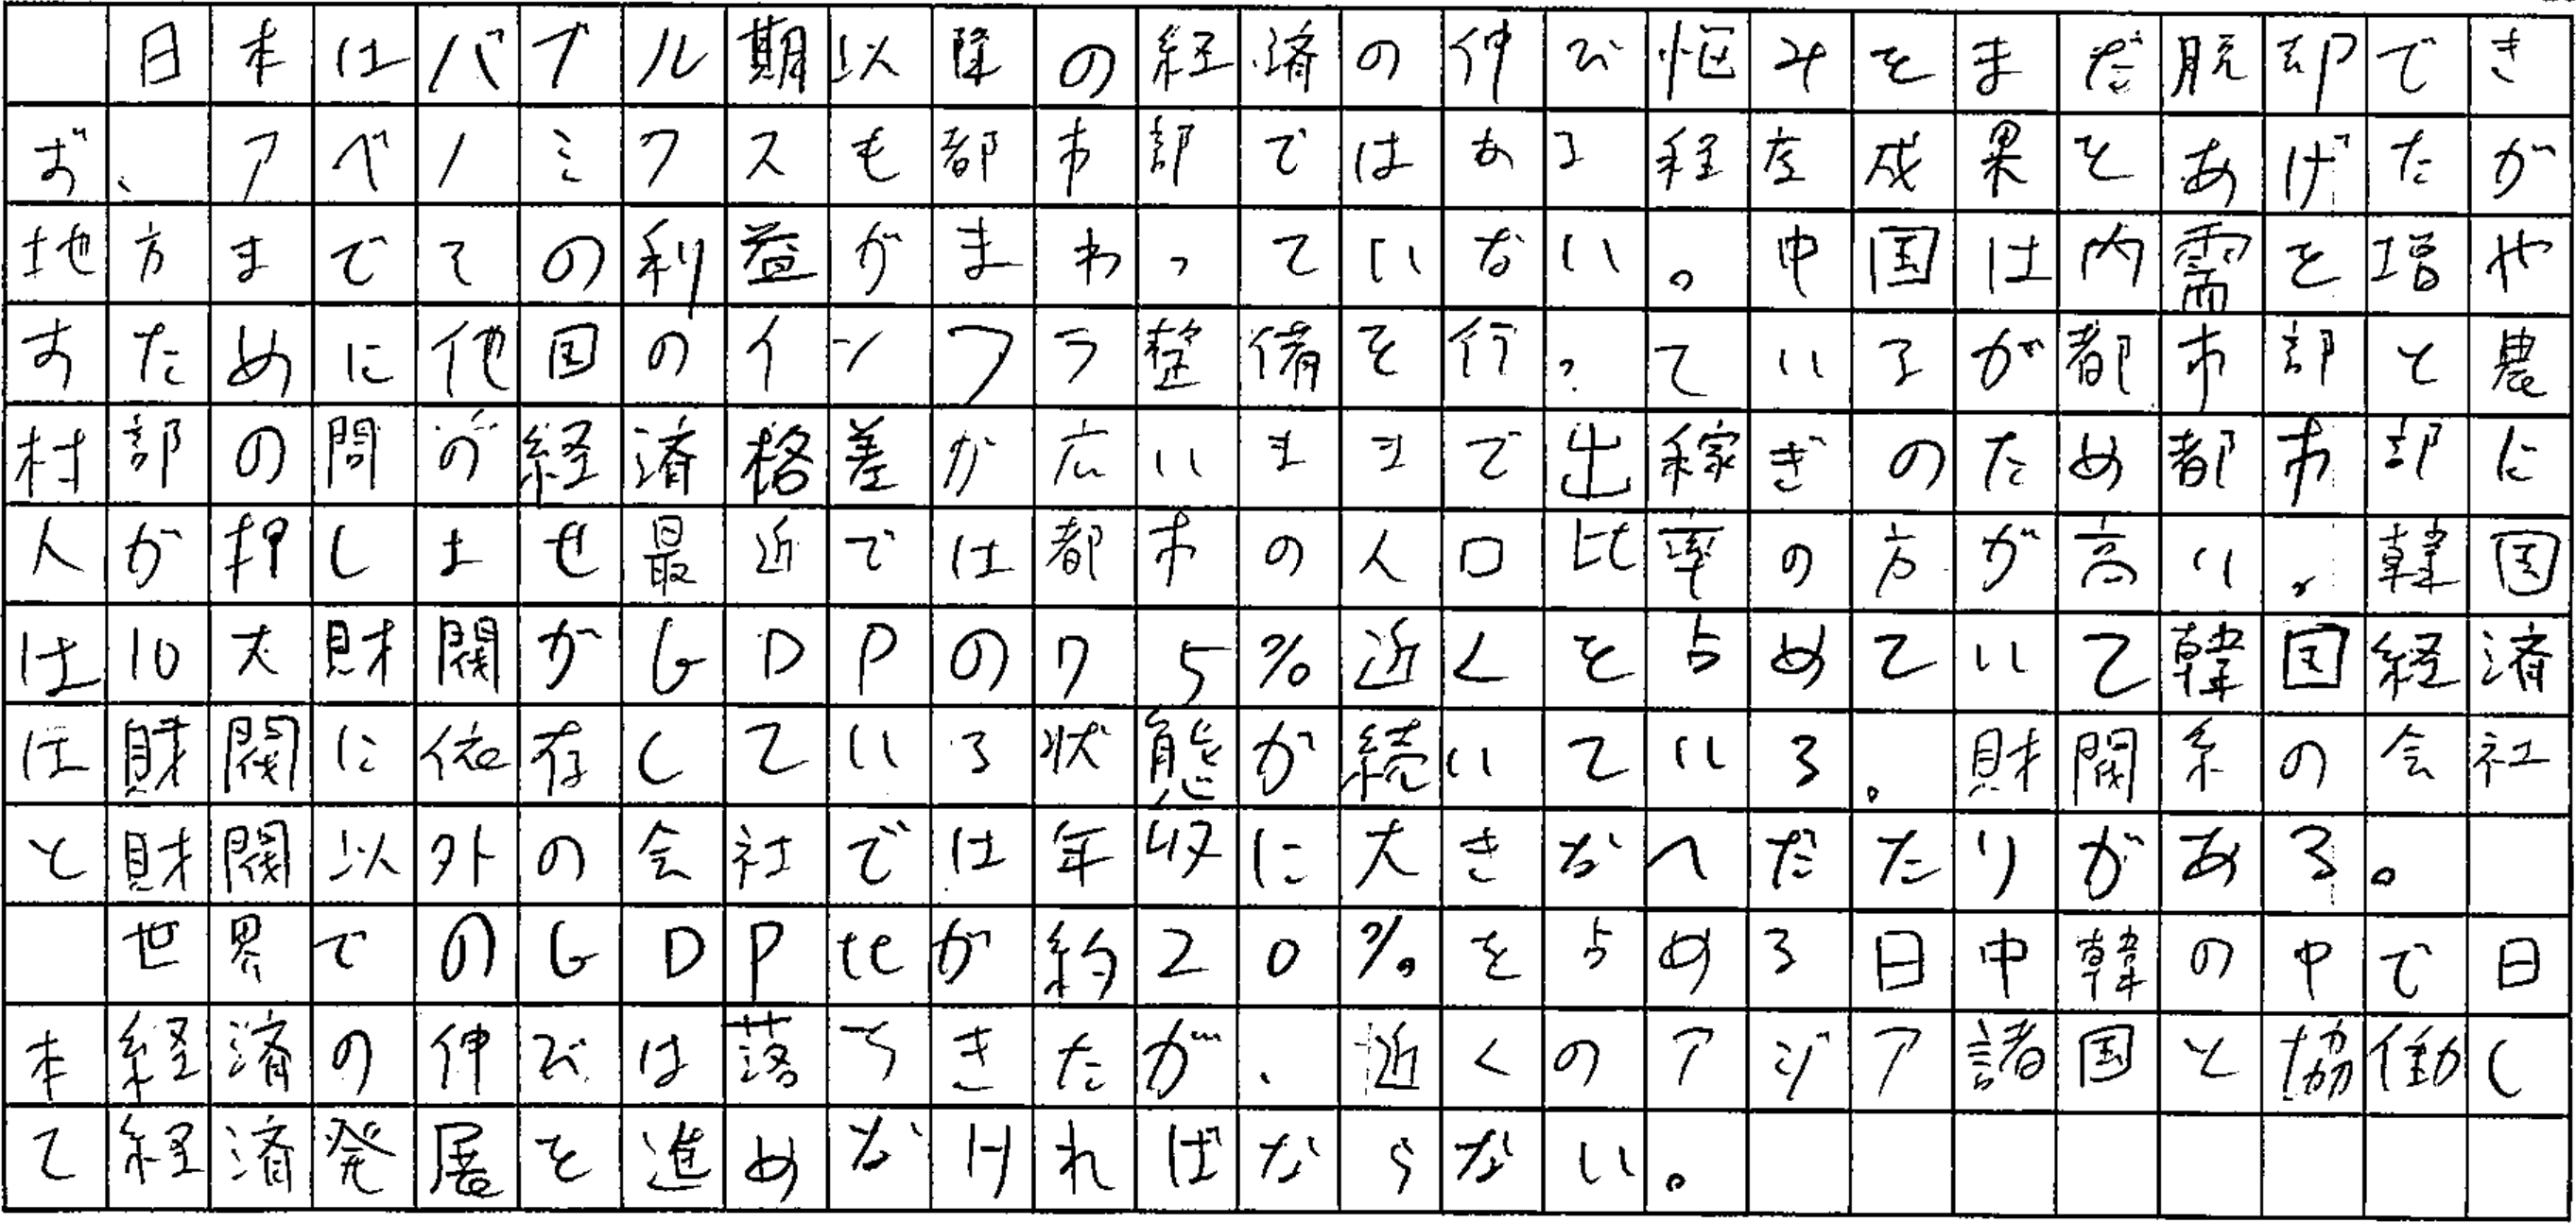　日本はバブル期以降の経済の伸び悩みをまだ脱却できず、アベノミクスも都市部ではある程度成果をあげたが地方までその利益がまわっていない。中国は内需を増やすために他国のインフラ整備を行っているが都市部と農村部の間の経済格差が広いままで出稼ぎのため都市部に人が押しよせ最近では都市の人口比率の方が高い。韓国は10大財閥がＧＤＰの７５％近くを占めていて韓国経済は財閥に依存している状態が続いている。財閥系の会社と財閥以外の会社では年収に大きなへだたりがある。
　世界でのＧＤＰ比が約２０％を占める日中韓の中で日本経済の伸びは落ちきたが、近くのアジア諸国と協働して経済発展を進めなければならない。
